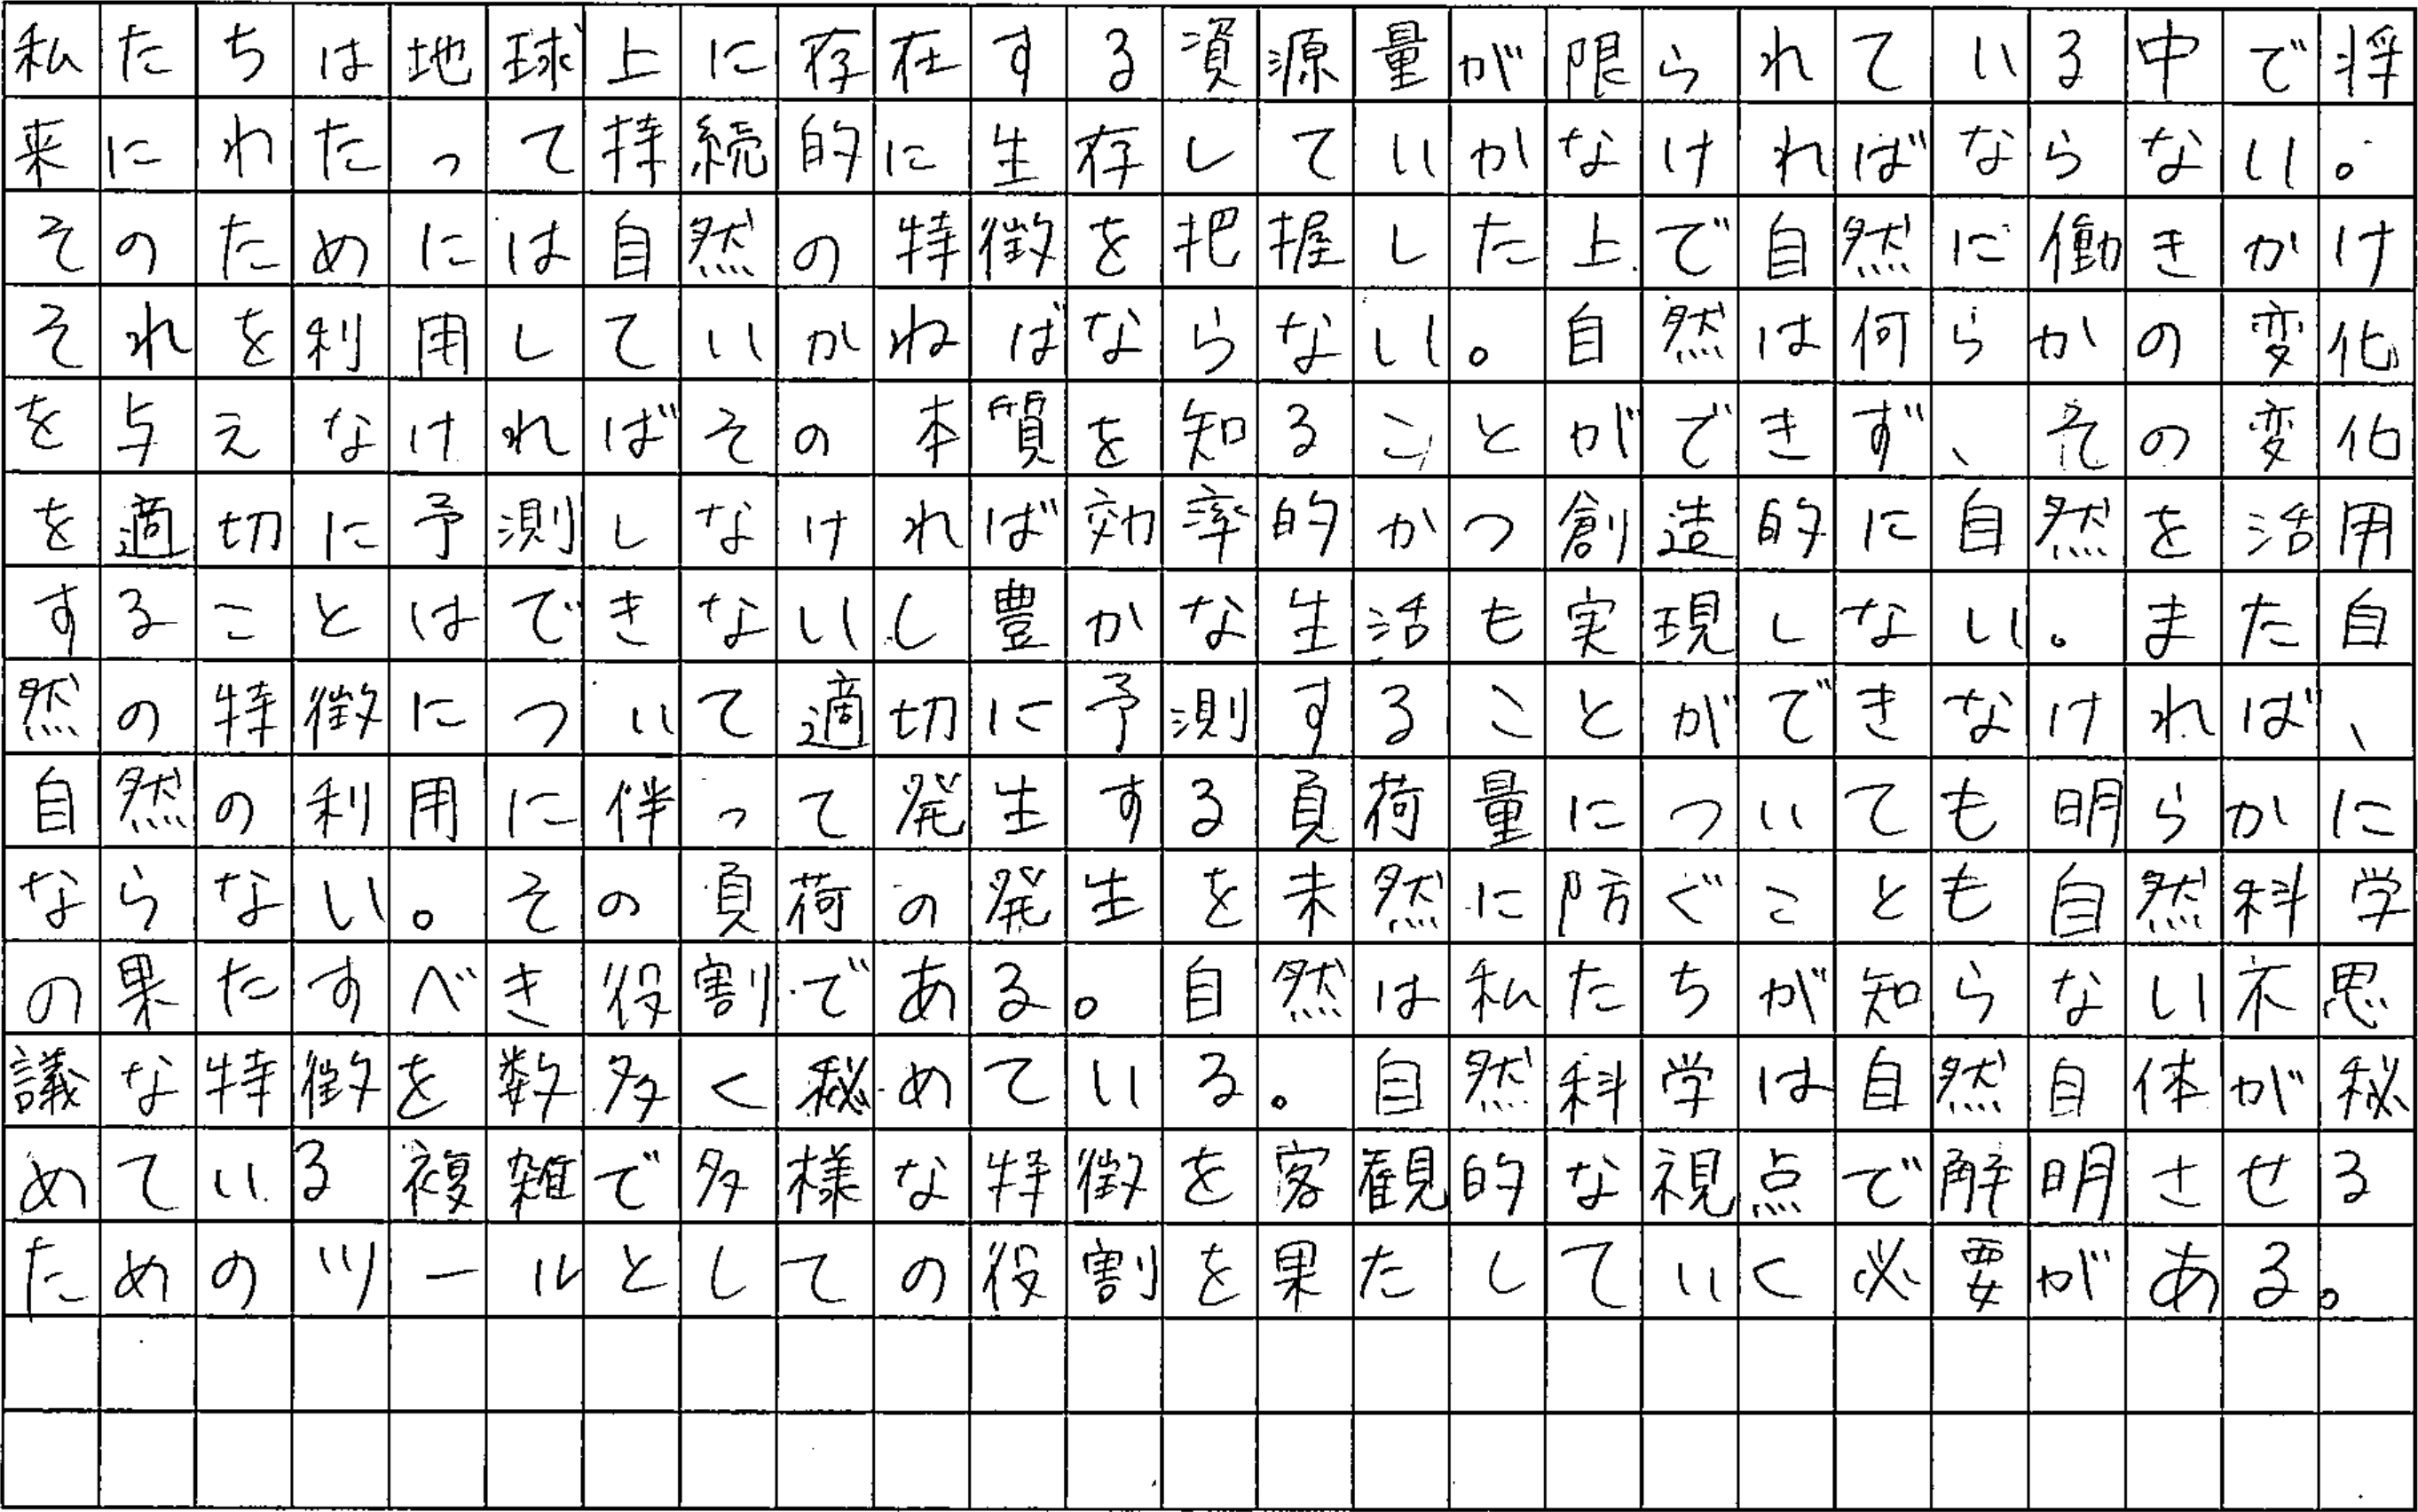私たちは地球上に存在する資源量が限られている中で将来にわたって持続的に生存していかなければならない。そのためには自然の特徴を把握した上で自然に働きかけそれを利用していかねばならない。自然は何らかの変化を与えなければその本質を知ることができず、その変化を適切に予測しなければ効率的かつ創造的に自然を活用することはできないし豊かな生活も実現しない。また自然の特徴について適切に予測することができなければ、自然の利用に伴って発生する負荷量についても明らかにならない。その負荷の発生を未然に防ぐことも自然科学の果たすべき役割である。自然は私たちが知らない不思議な特徴を数多く秘めている。自然科学は自然自体が秘めている複雑で多様な特徴を客観的な視点で解明させるためのツールとしての役割を果たしていく必要がある。
